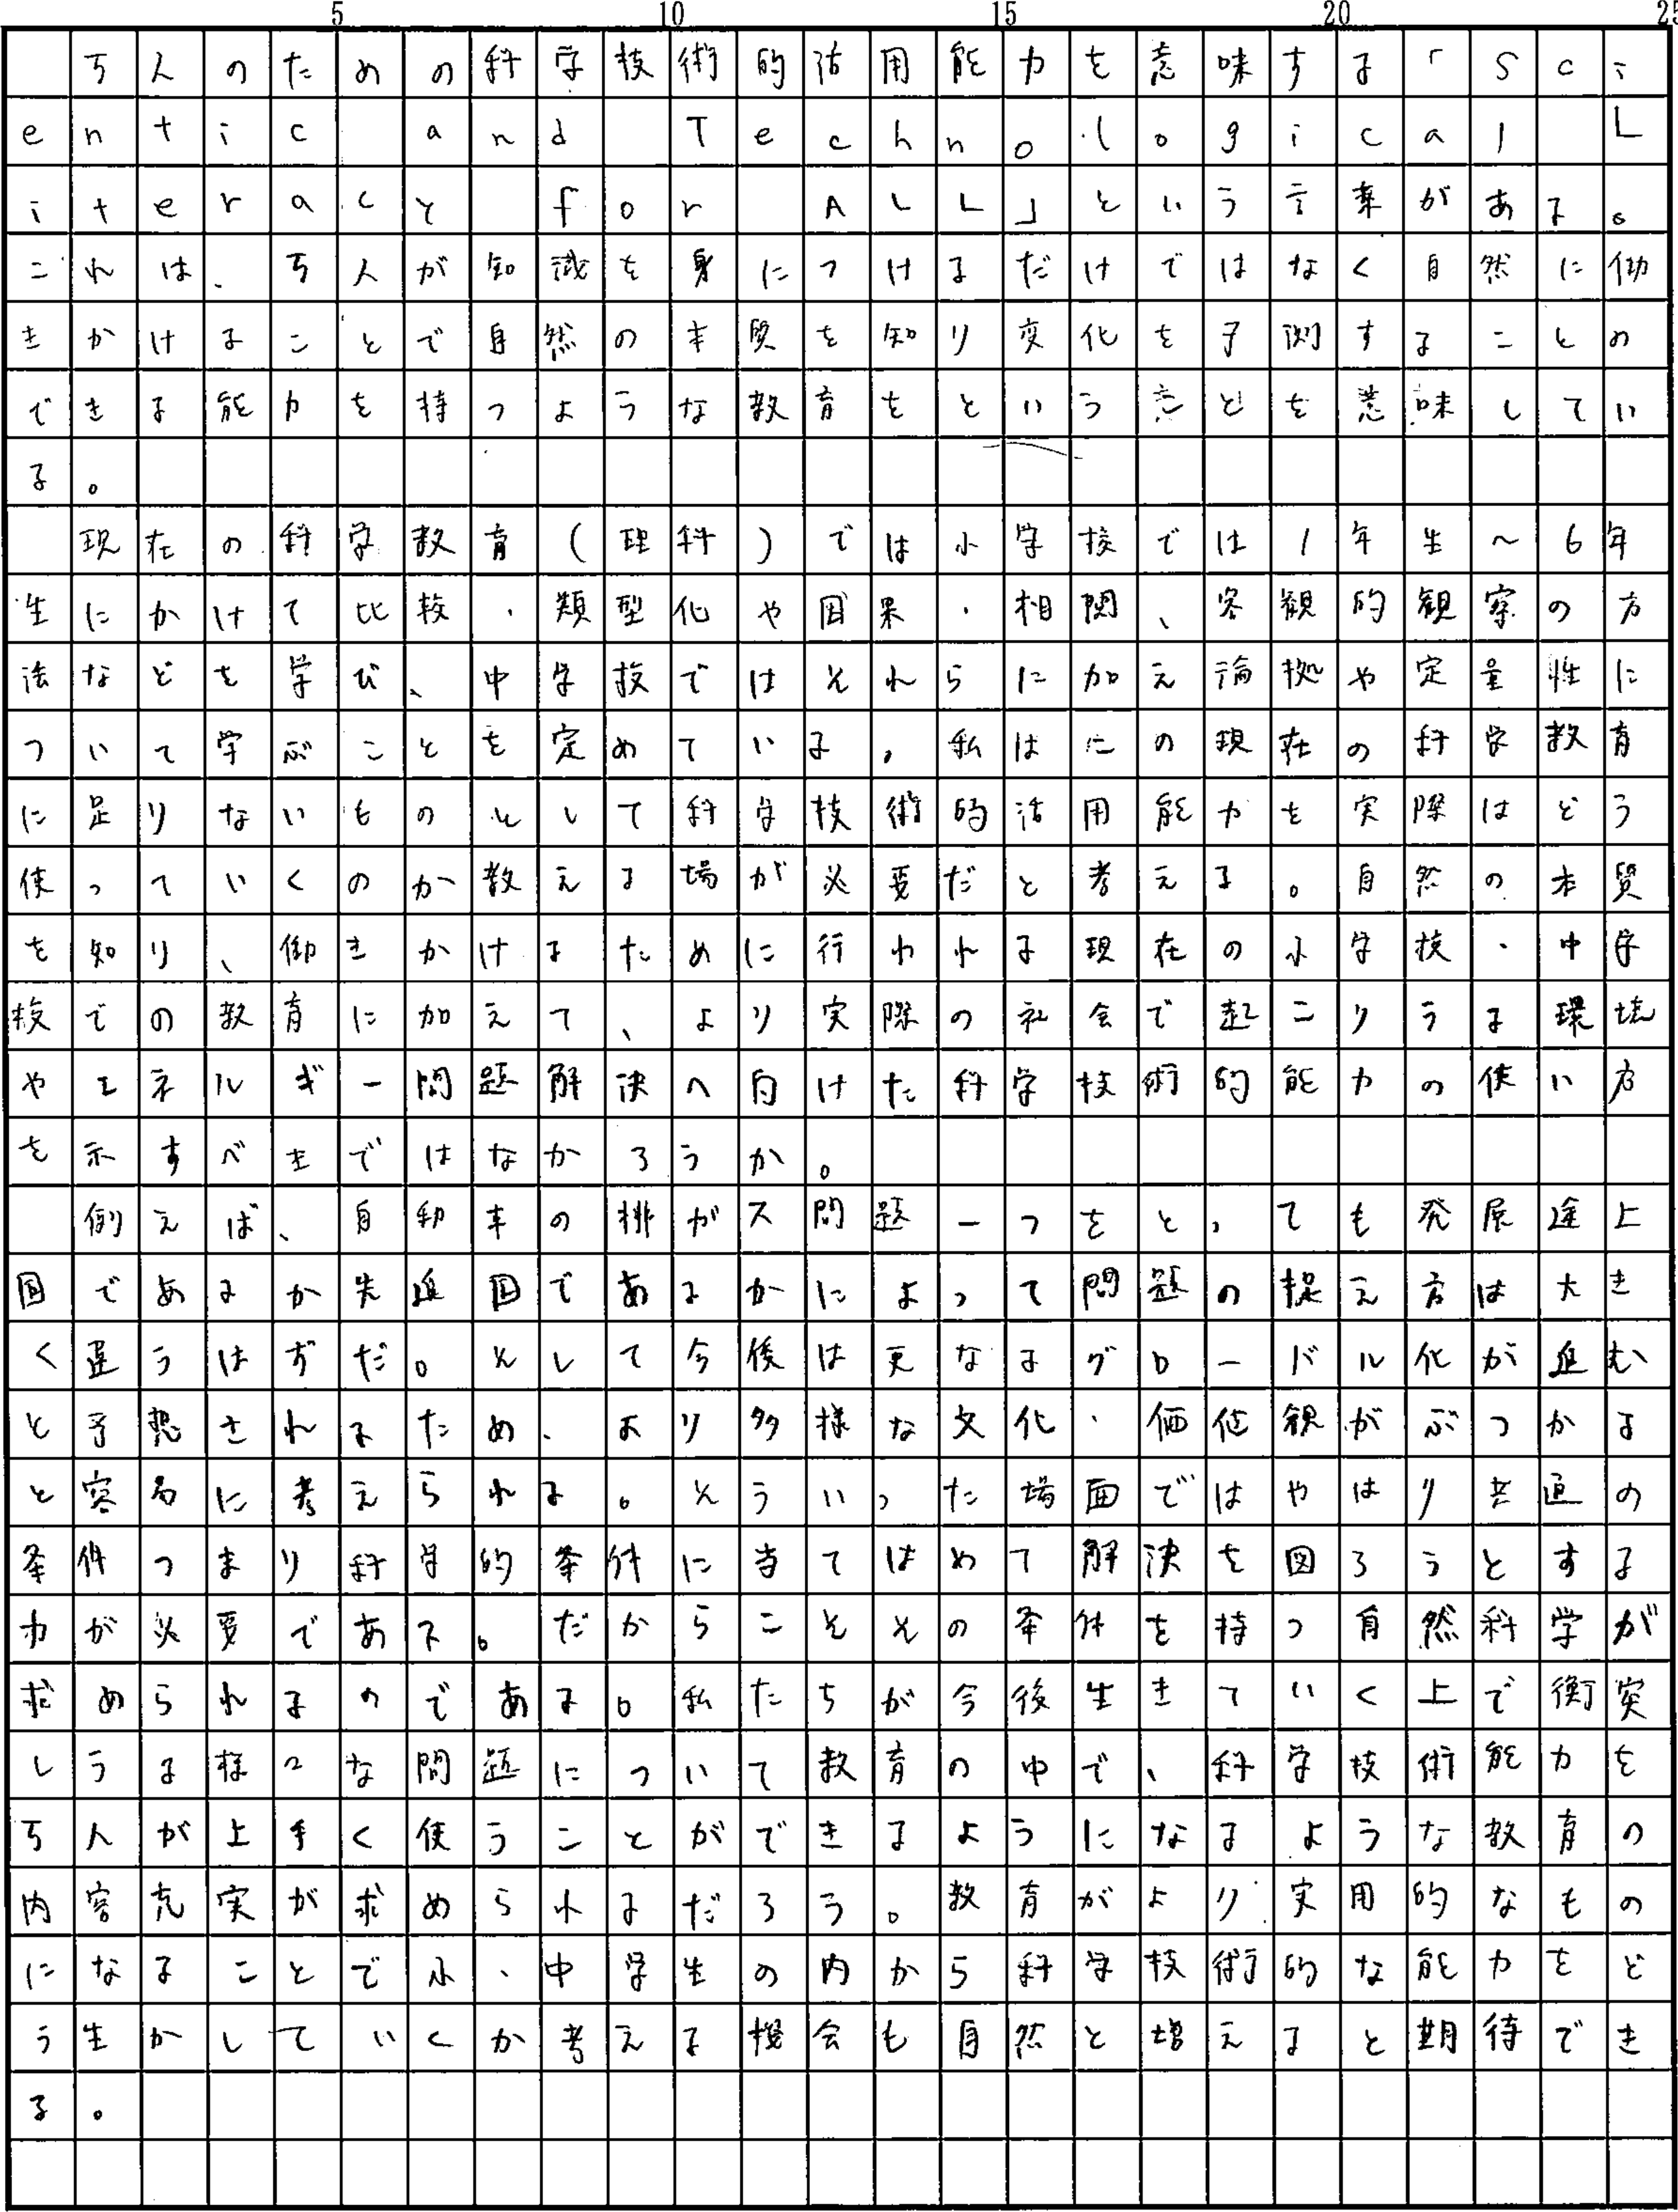　万人のための科学技術的活用能力を意味する「Ｓｃｉｅｎｔｉｃ　ａｎｄ　Ｔｅｃｈｎｏｌｏｇｉｃａｌ　Ｌｉｔｅｒａｃｙ　ｆｏｒ　ＡＬＬ」という言葉がある。これは、万人が知識を身につけるだけではなく自然に働きかけることで自然の本質を知り変化を予測することのできる能力を持つような教育をということを意味している。
　現在の科学教育（理科）では小学校では１年生～６年生にかけて比較・類型化や因果・相関、客観的観察の方法などを学び、中学校ではそれらに加え論拠や定量性について学ぶことを定めている。私はこの現在の科学教育に足りないものとして科学技術的活用能力を実際はどう使っていくのか教える場が必要だと考える。自然の本質を知り、働きかけるために行われる現在の小学校・中学校での教育に加えて、より実際の社会で起こりうる環境やエネルギー問題解決へ向けた科学技術的能力の使い方を示すべきではなかろうか。
　例えば、自動車の排ガス問題一つをとっても発展途上国であるか先進国であるかによって問題の捉え方は大きく違うはずだ。そして今後は更なるグローバル化が進むと予想されるため、より多様な文化・価値観がぶつかると容易に考えられる。そういった場面ではやはり共通の条件つまり科学的条件に当てはめて解決を図ろうとする力が必要である。だからこそその条件を持つ自然科学が求められるのである。私たちが今後生きていく上で衡突しうる様々な問題について教育の中で、科学技術能力を万人が上手く使うことができるようになるような教育の内容充実が求められるだろう。教育がより実用的なものになることで小・中学生の内から科学技術的な能力をどう生かしていくか考える▁会も自▁と増えると期待できる。
